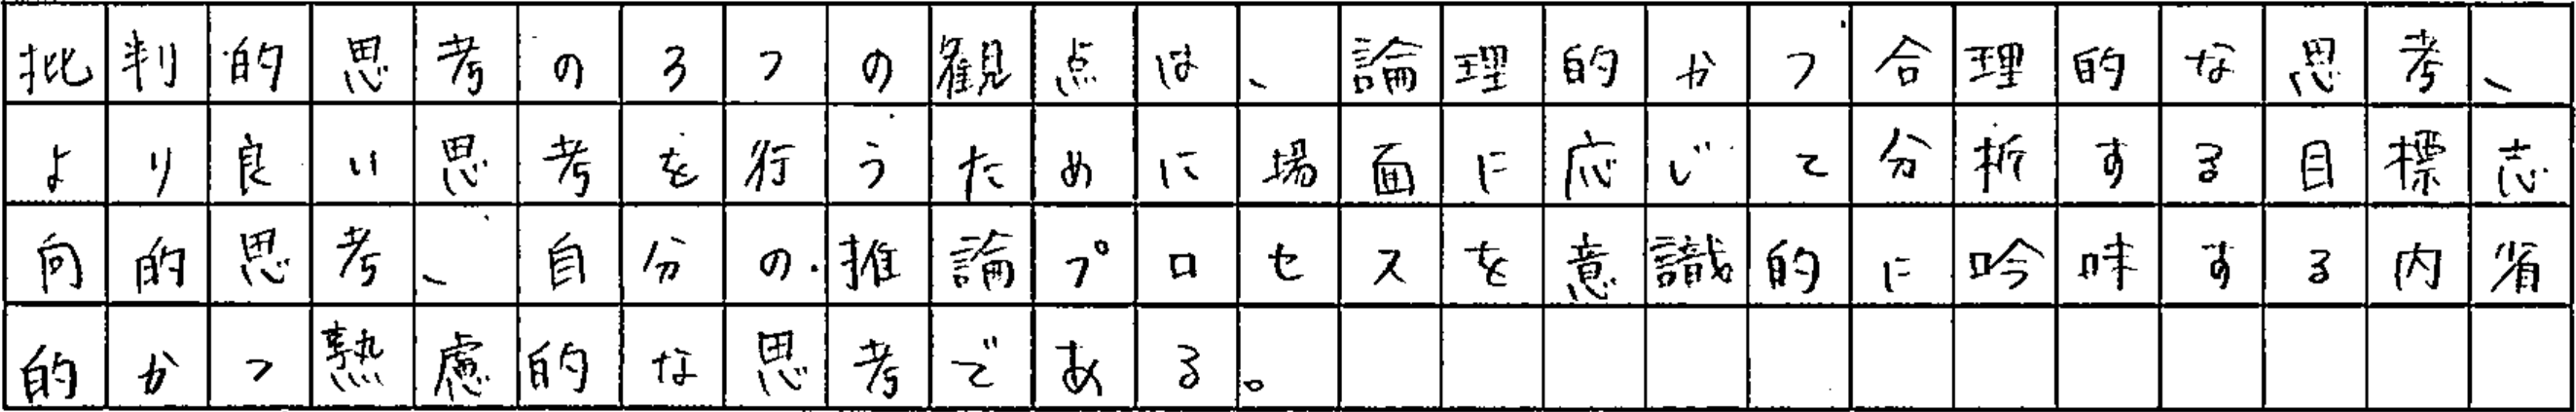批判的思考の３つの観点は、論理的かつ合理的な思考、より良い思考を行うために場面に応じて分析する目標志向的思考、自分の推論プロセスを意識的に吟味する内省的かつ熟慮的な思考である。
